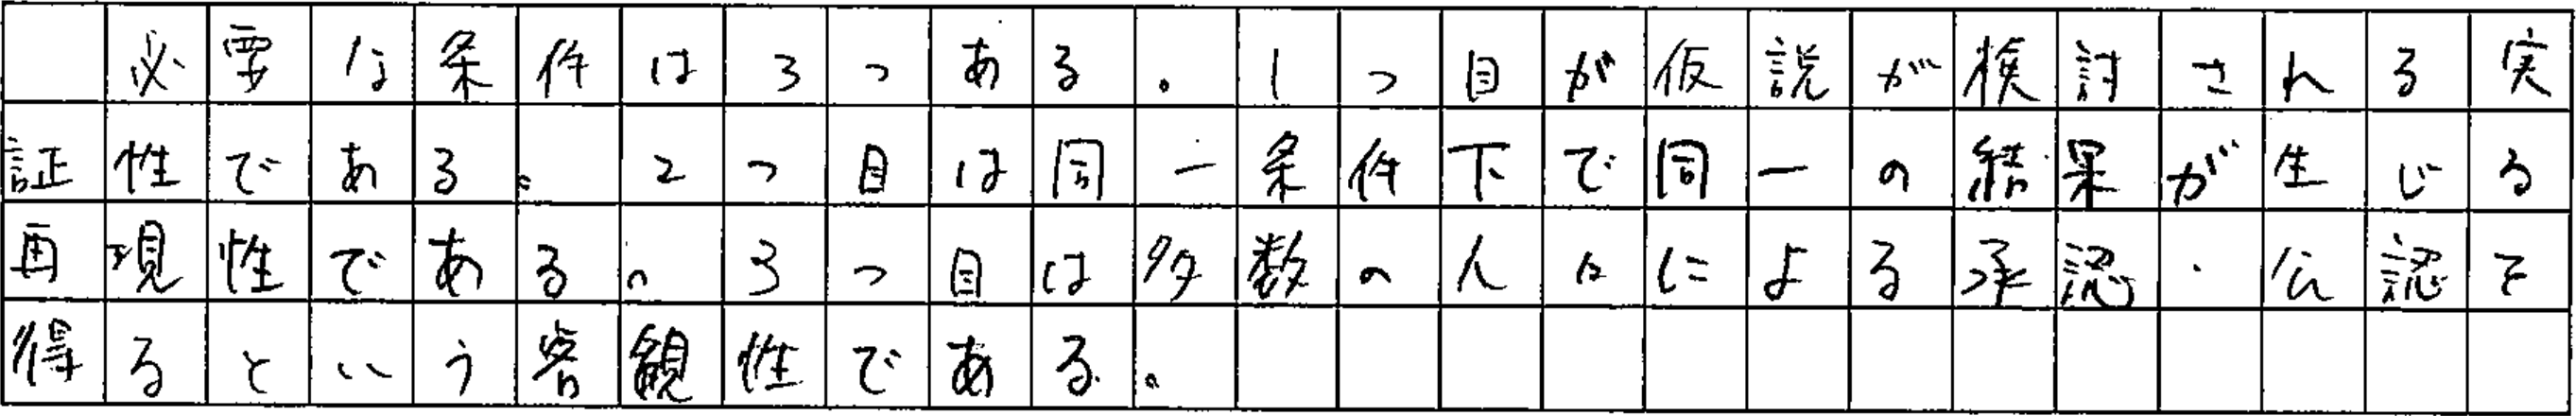 　必要な条件は３つある。１つ目は仮説が検討される実証性である。２つ目は同一条件下で同一の結果が生じる再現性である。３つ目は多数の人々による承認・公認を得るという客観性である。
